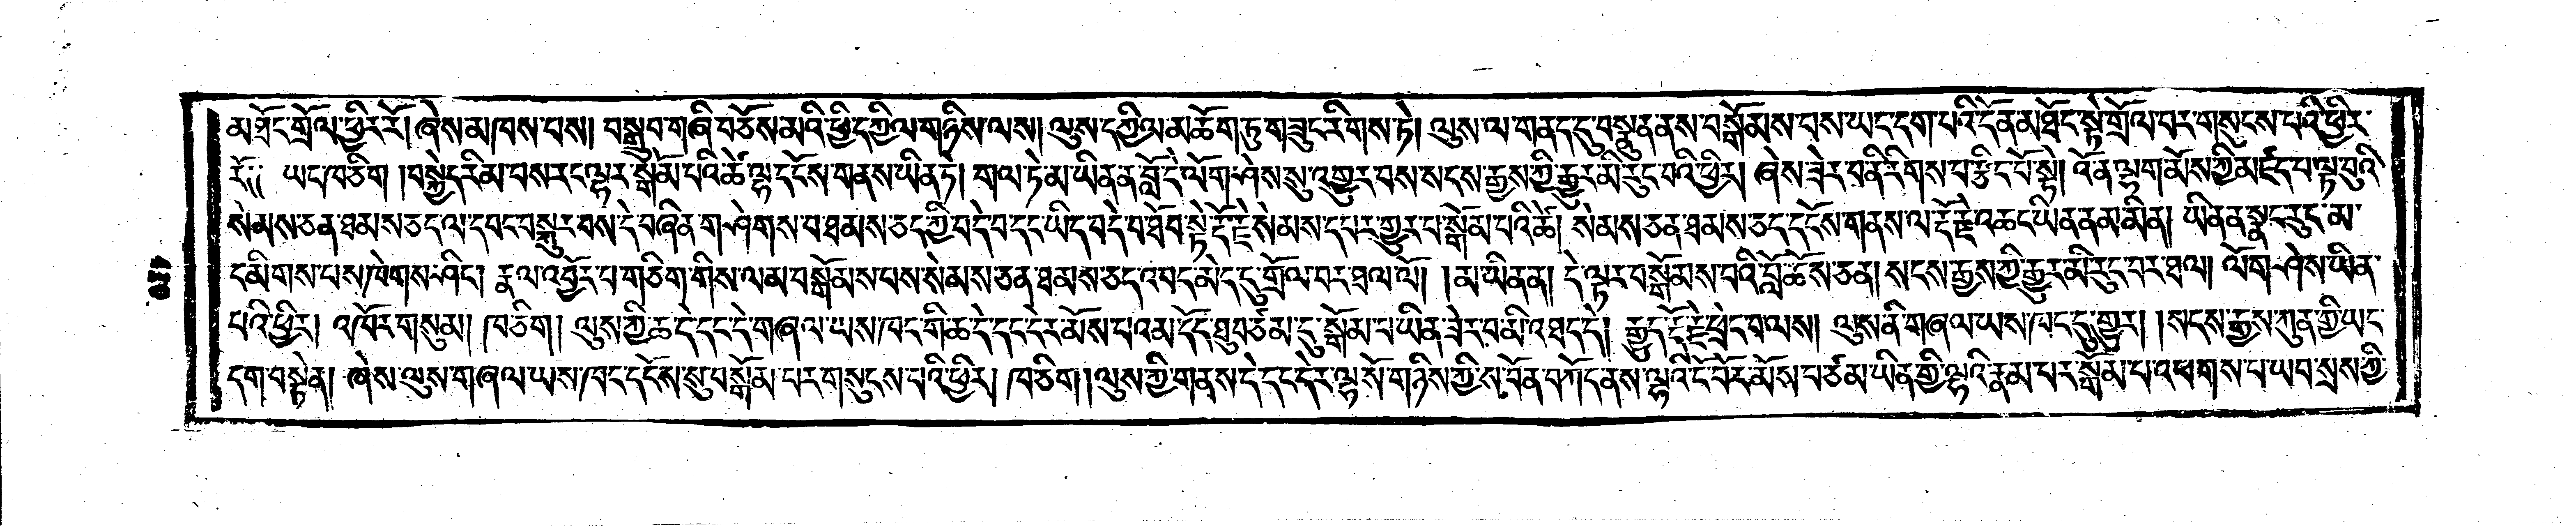མཐོང་གྲོལ་ཕྱིར་རོ། ཞེས་མཁས་པས། བསྒྲུབ་གཞི་བཅོས་མའི་ཕྱི་དཀྱིལ་གཉིས་ལས། ལུས་དཀྱིལ་མཆོག་ཏུ་གཟུང་རིགས་ཏེ། ལུས་ལ་གནད་དུ་བསྣུན་ནས་བསྒོམས་པས་ཡང་དག་པའི་དོན་མཐོང་སྟེ་གྲོལ་བར་གསུངས་པའི་ཕྱིར་
རོ། །ཡང་ཁ་ཅིག །བསྐྱེད་རིམ་པས་རང་ལྷར་སྒོམ་པའི་ཚེ་ལྷ་དངོས་གནས་ཡིན་ཏེ། གལ་ཏེ་མ་ཡིན་ན་བློ་དེ་ལོག་ཤེས་སུ་འགྱུར་བས་སངས་རྒྱས་ཀྱི་རྒྱུར་མི་རུང་བའི་ཕྱིར། ཞེས་ཟེར་བ་ནི་རིགས་པ་རྩིང་པོ་སྟེ། འོ་ན་ལྷག་མོས་ཀྱི་མཛད་པ་ལྟ་བུའི་
སེམས་ཅན་ཐམས་ཅད་ལ་དབང་བསྐུར་བས་དེ་བཞིན་གཤེགས་པ་ཐམས་ཅད་ཀྱི་བདེ་བ་དང་ཡིད་བདེ་བ་ཐོབ་སྟེ་རྡོ་རྗེ་སེམས་དཔར་གྱུར་པ་སྒོམ་པའི་ཚེ། སེམས་ཅན་ཐམས་ཅད་དངོས་གནས་ལ་རྡོ་རྗེ་འཆང་ཡིན་ནམ་མིན། ཡིན་ན་སྣང་རུང་མ་
དམིགས་པས་ལེགས་ཤིང་། རྣལ་འབྱོར་པ་གཅིག་གིས་ལམ་བསྒོམས་པས་སེམས་ཅན་ཐམས་ཅད་འབད་མེད་དུ་གྲོལ་བར་ཐལ་ལོ། །མ་ཡིན་ན། དེ་ལྟར་བསྒོམས་པའི་བློ་མོས་ཅན། སངས་རྒྱས་ཀྱི་རྒྱུར་མི་རུང་བར་ཐལ། ལོག་ཤེས་ཡིན་
པའི་ཕྱིར། འཁོར་གསུམ། ཁ་ཅིག །ལུས་ཀྱི་ཆ་དེ་དང་དེ་གཞལ་ཡས་ཁང་གི་ཆ་དེ་དང་ངེར་མོས་པའམ་དོད་ཐུབ་ཙམ་དུ་སྒོམ་པ་ཡིན་ཟེར་བ་མི་འཐད་དོ། རྒྱུད་རྡོ་རྗེ་ཕྲེང་བ་ལས། ལུས་ནི་གཞལ་ཡས་ཁང་དུ་གྱུར། །སངས་རྒྱས་ཀུན་གྱི་ཡང་
དག་བསྟེན། ཞེས་ལུས་གཞལ་ཡས་ཁང་དངོས་སུ་བསྒོམ་པར་གསུངས་པའི་ཕྱིར། ཁ་ཅིག །ལུས་ཀྱི་གནས་དེ་དང་དེར་ལྷ་སོ་གཉིས་ཀྱི་ས་བོན་བཀོད་ནས་ལྷའི་ངོ་བོར་མོས་པ་ཙམ་ཡིན་གྱི་ལྷའི་རྣམ་པར་སྒོམ་པ་འཕགས་པ་ཡབ་སྲས་ཀྱི་